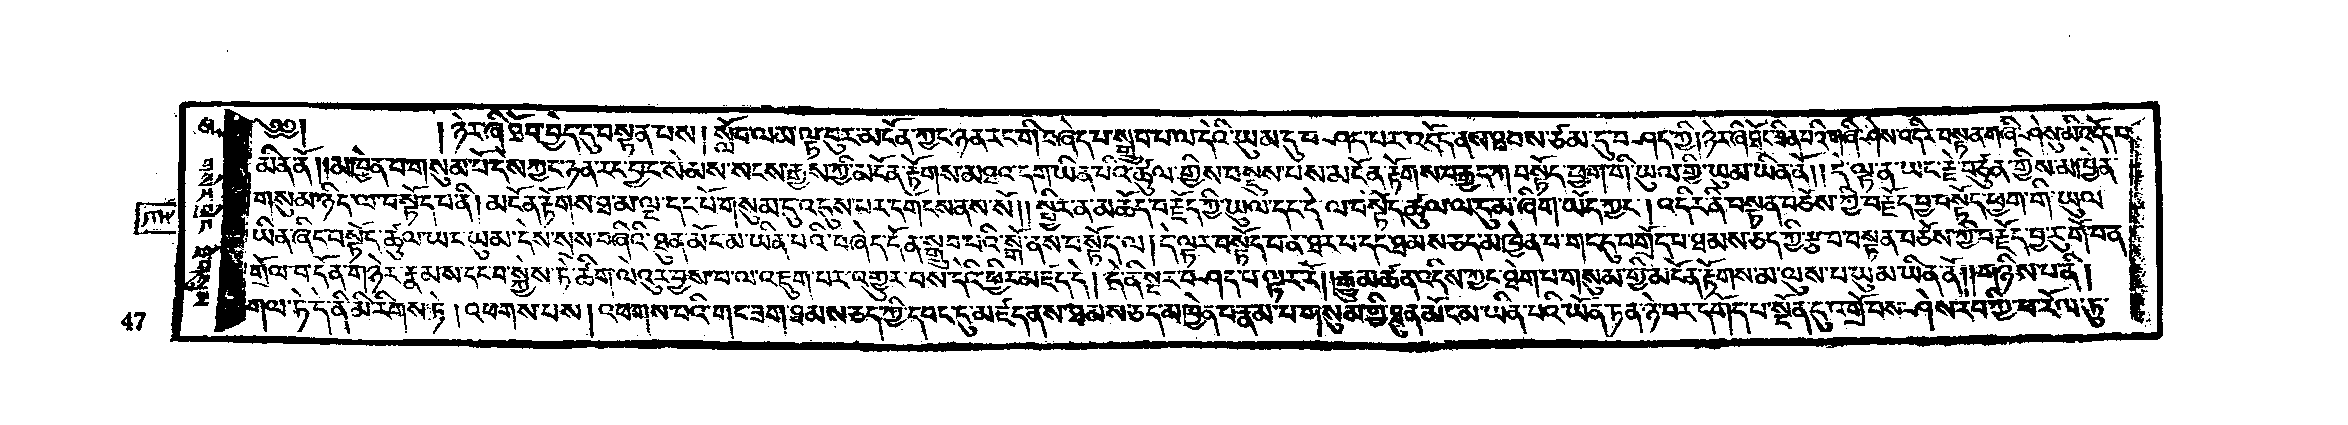༄༅། །ཉེར་ཞི་ཐོབ་བྱེད་དུ་བསྟན་པས། སློབ་ལམ་ལྟ་བུར་མངོན་ཀྱང་ཉན་རང་གི་བཞེད་པ་སྒྲུབ་པ་ལ་དེའི་ཡུམ་དུ་བཤད་པར་འདོད་ནས་ཐབས་ཙམ་དུ་བཤད་ཀྱི། ཉེར་ཞི་ཐོབ་ཟིན་པའི་གཞི་ཤེས་འདིར་བསྟན་གཞི་ཤེས་སུ་མི་འདོད་པ་
མིན་ནོ། །མཁྱེན་པ་གསུམ་པོ་དེས་ཀྱང་ཉན་རང་བྱང་སེམས་སངས་རྒྱས་ཀྱི་མངོན་རྟོགས་མཐའ་དག་ཡིན་པའི་ཚུལ་གྱིས་བསྡུས་པས་མངོན་རྟོགས་བརྒྱད་ཀ་བསྟོད་ཕྱག་གི་ཡུལ་གྱི་ཡུམ་ཡིན་ནོ། །དེ་ལྟ་ན་ཡང་རྗེ་བཙུན་གྱིས་མཁྱེན་
གསུམ་ཉིད་ལ་བསྟོད་པ་ནི། མངོན་རྟོགས་ཐ་མ་ལྔ་དང་པོ་གསུམ་དུ་འདུས་པར་དགོངས་ནས་སོ། །སྤྱིར་ན་མཆོད་བརྗོད་ཀྱི་ཡུལ་དང་དེ་ལ་བསྟོད་ཚུལ་ལ་དུ་མ་ཞིག་ཡོད་ཀྱང་། འདིར་ནི་བསྟན་བཅོས་ཀྱི་བརྗོད་བྱ་བསྟོད་ཕྱག་གི་ཡུལ་
ཡིན་ཞིང་བསྟོད་ཚུལ་ཡང་ཡུམ་དེས་སྲས་བཞིའི་ཐུན་མོང་མ་ཡིན་པའི་བཞེད་དོན་སྒྲུབ་པའི་སྒོ་ནས་བསྟོད་ལ། དེ་ལྟར་བསྟོད་པ་ན་ཐར་པ་དང་ཐམས་ཅད་མཁྱེན་པ་གང་དུ་བགྲོད་པ་ཐམས་ཅད་ཀྱི་རྩ་བ་བསྟན་བཅོས་ཀྱི་བརྗོད་བྱ་རུ་གོ་བ་ན་
གྲོལ་བ་དོན་གཉེར་རྣམས་དང་བ་སྐྱེས་ཏེ་ཚིག་ལེའུར་བྱས་པ་ལ་འཇུག་པར་འགྱུར་བས་དེའི་ཕྱིར་མཛད་དེ། དེ་ནི་སྔར་བཤད་པ་ལྟར་རོ། །རྒྱུ་མཚན་འདིས་ཀྱང་ཐེག་པ་གསུམ་གྱི་མངོན་རྟོགས་མ་ལུས་པ་ཡུམ་ཡིན་ནོ། །གཉིས་པ་ནི།
གལ་ཏེ་དེ་ནི་མི་རིགས་ཏེ། འཕགས་པས། འཕགས་པའི་གང་ཟག་ཐམས་ཅད་ཀྱི་དབང་དུ་མཛད་ནས་ཐམས་ཅད་མཁྱེན་པ་རྣམ་པ་གསུམ་གྱི་ཐུན་མོང་མ་ཡིན་པའི་ཡོན་ཏན་ཉེ་བར་དགོད་པ་སྔོན་དུ་འགྲོ་བས་ཤེས་རབ་ཀྱི་ཕ་རོལ་ཏུ་